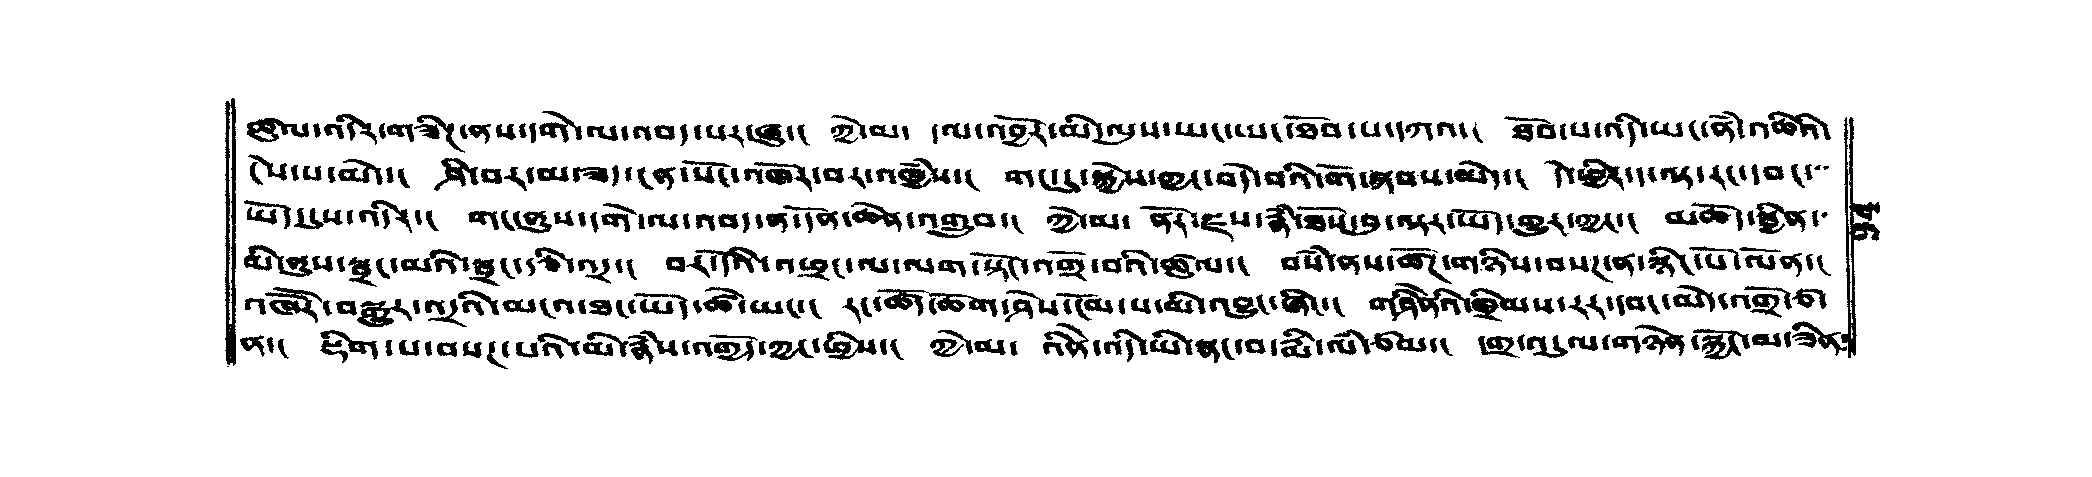ཚུལ་འདིར་གཟིགས་ནས་དགེ་ལ་འབད་པར་ཞུ། ཀྱེ་མ། དལ་འབྱོར་མི་ལུས་ཡང་ཡང་ཐོབ་པར་དཀའ། །ཐོབ་པ་འདི་ཡང་ནམ་འཆིའི་
ངེས་པ་མེད། །ཤི་བར་མ་ཟད་ངན་སོང་འཁོར་བར་འཁྱམས། །གང་དུ་སྐྱེས་ཀྱང་བདེ་བའི་གོ་སྐབས་མེད། །དེ་ཕྱིར་ད་ལྟ་རང་དབང་
ཡོད་དུས་འདིར། །གང་ནུས་དགེ་ལ་འབད་ན་དོན་ཆེན་འགྲུབ། ཀྱེ་མ། ནོར་རྫས་རྣམ་ཐོས་བུ་ལྟར་ཡོད་གྱུར་ཀྱང་། །མཆོད་སྦྱིན་
མི་ནུས་སྦྲང་མའི་སྦྲང་རྩི་འདྲ། །བར་དོའི་འཕྲང་ལ་ལག་སྟོང་འགྲོ་བའི་ཚུལ། །བསམ་ནས་ཚོགས་གཉིས་བསགས་ན་སྙིང་པོ་ལེན། །
འཁོར་ལོ་བསྒྱུར་འདྲའི་མངའ་ཐང་ཡོད་ཚེ་ཡང་། །རང་ཚོད་ཆོག་ཤེས་ངོམ་པ་མི་འབྱུང་ཞིང་། །གཤིན་རྗེའི་ཁྲིམས་རར་དབང་མེད་འགྲོ་ཙ་
ན། །སྡིག་པ་བསགས་པའི་མི་རྣམས་འགྱོད་ཀྱང་ཕྱིས། ཀྱེ་མ། འཇིག་རྟེན་འདི་ཡི་སྣང་བ་རྨི་ལམ་ཙམ། །དགྲ་འདུལ་གཉེན་སྐྱོང་མ་ཟིན་